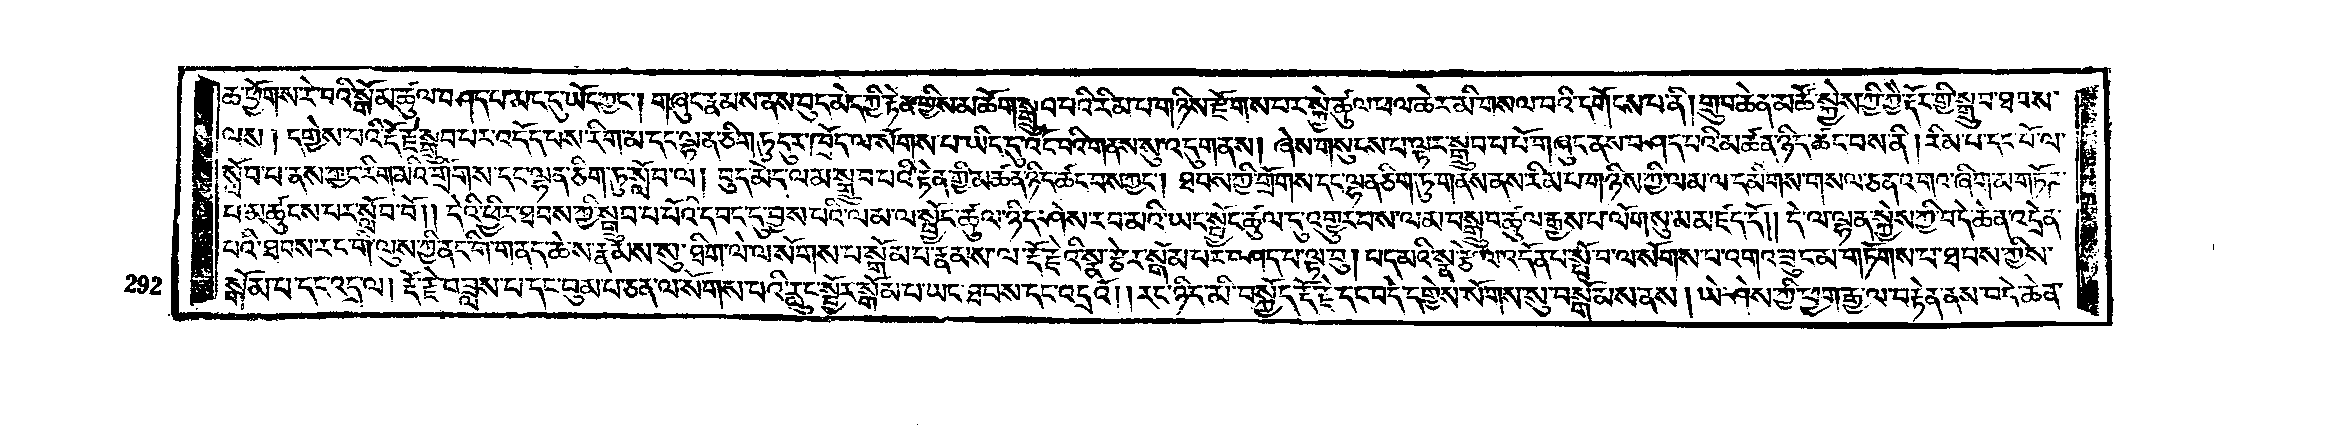ཆ་ཕྱོགས་རེ་བའི་སྒོམ་ཚུལ་བཤད་པ་མང་དུ་ཡོད་ཀྱང་། གཞུང་རྣམས་ནས་བུད་མེད་ཀྱི་རྟེན་གྱིས་མཆོག་སྒྲུབ་པའི་རིམ་པ་གཉིས་རྫོགས་པར་སྐྱེ་ཚུལ་ཕལ་ཆེར་མི་གསལ་བའི་དགོངས་པ་ནི། གྲུབ་ཆེན་མཚོ་སྐྱེས་ཀྱི་ཀྱཻ་རྡོར་གྱི་སྒྲུབ་ཐབས་
ལས། དགྱེས་པའི་རྡོ་རྗེ་སྒྲུབ་པར་འདོད་པས་རིག་མ་དང་ལྷན་ཅིག་ཏུ་དུར་ཁྲོད་ལ་སོགས་པ་ཡིད་དུ་འོང་བའི་གནས་སུ་འདུག་ནས། ཞེས་གསུངས་པ་ལྟར་སྒྲུབ་པ་པོ་གཞུང་ནས་བཤད་པའི་མཚན་ཉིད་ཚང་བས་ནི། རིམ་པ་དང་པོ་ལ་
སློབ་པ་ནས་ཀྱང་རིག་མའི་གྲོགས་དང་ལྷན་ཅིག་ཏུ་སློབ་ལ། བུད་མེད་ལམ་སྒྲུབ་པའི་རྟེན་གྱི་མཚན་ཉིད་ཚང་བས་ཀྱང་། ཐབས་ཀྱི་གྲོགས་དང་ལྷན་ཅིག་ཏུ་གནས་ནས་རིམ་པ་གཉིས་ཀྱི་ལམ་ལ་དམིགས་གསལ་ཅན་འགའ་ཞིག་མ་གཏོགས་
པ་མཚུངས་པར་སློབ་བོ། །དེའི་ཕྱིར་ཐབས་ཀྱི་སྒྲུབ་པ་པོའི་དབང་དུ་བྱས་པའི་ལམ་ལ་སྦྱོང་ཚུལ་ཉིད་ཤེས་རབ་མའི་ཡང་སྦྱོང་ཚུལ་དུ་འགྱུར་བས་ལམ་བསྒྲུབ་ཚུལ་རྒྱས་པ་ལོགས་སུ་མ་མཛད་དོ། །དེ་ལ་ལྷན་སྐྱེས་ཀྱི་བདེ་ཆེན་འདྲེན་
པའི་ཐབས་རང་གི་ལུས་ཀྱི་ནང་གི་གནད་ཆེ་ས་རྣམས་སུ་ཐིག་ལེ་ལ་སོགས་པ་སྒོམ་པ་རྣམས་ལ་རྡོ་རྗེའི་སྣ་རྩེར་སྒོམ་པར་བཤད་པ་ལྟ་བུ། པད་མའི་སྣ་རྩེ་ལ་འདོན་པ་སྤོ་བ་ལ་སོགས་པ་འགའ་ཟུང་མ་གཏོགས་པ་ཐབས་ཀྱིས་
སྒོམ་པ་དང་འདྲ་ལ། རྡོ་རྗེ་བཟླས་པ་དང་བུམ་པ་ཅན་ལ་སོགས་པའི་རླུང་སྦྱོར་སྒོམ་པ་ཡང་ཐབས་དང་འདྲའོ། །རང་ཉིད་མི་བསྐྱོད་རྡོ་རྗེ་དང་བདེ་དགྱེས་སོགས་སུ་བསྒོམས་ནས། ཡེ་ཤེས་ཀྱི་ཕྱག་རྒྱ་ལ་བརྟེན་ནས་བདེ་ཆེན་